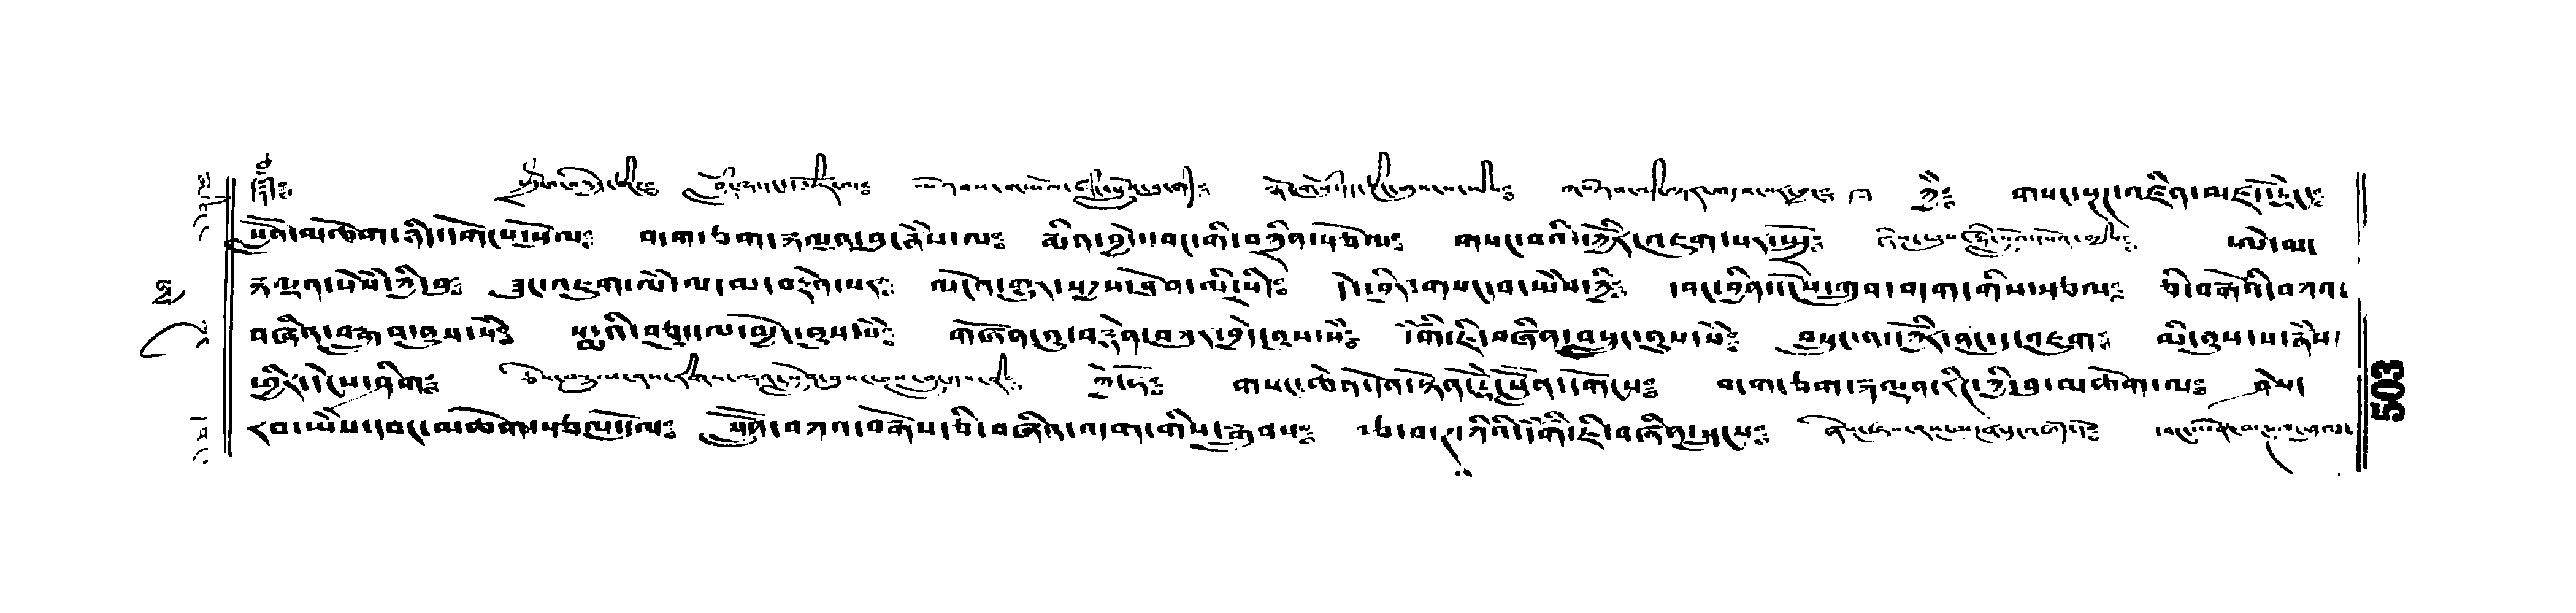སྤྲོ་བ་བསྐྱེད་ཅིང༔ བླ་མ་ལྷ་དང་དཀྱིལ་འཁོར་ལ༔ ཡོལ་བས་གཡོག་ཅིང་སློབ་བུ་ནི༔ སྒོ་གསུམ་དད་ཅིང་གུས་པ་ཡིས༔ གསོལ་བ་འདི་ལྟར་གདབ་པར་བྱ༔ ཀྱཻ༔ གསང་སྔགས་འཛིན་མཛད་རྡོ་རྗེ་འཆང༔ 
སློབ་དཔོན་མཆོག་ཉིད་དགོངས་སུ་གསོལ༔ བདག་ཅག་སྐལ་ལྡན་བུ་རྣམས་ལ༔ སྨིན་བྱེད་དབང་གི་བཀའ་དྲིན་སྩོལ༔ གསང་བའི་དཀྱིལ་འཁོར་འཇུག་པར་སྤྲོ༔ ཞེས་ཞུས་རྡོ་རྗེ་སློབ་དཔོན་གྱིས༔ ཨེ་མ་
སྐལ་ལྡན་སེམས་ཀྱི་བུ༔ ཟུང་འཇུག་ལམ་ལ་མ་བརྟེན་པར༔ མངོན་གྱུར་སངས་རྒྱས་ཐོན་མི་སྲིད༔ དེ་ཕྱིར་གསང་བ་ཡེ་ཤེས་ཀྱི༔ དབང་བྱིན་དངོས་གྲུབ་བདག་གིས་བསྩལ༔ ཅི་བསྒོའི་བཀའ་
བཞིན་བསྒྲུབ་ནུས་སམ༔ པདྨའི་བཅུད་ལ་མྱོང་ནུས་སམ༔ གཞོན་ནུ་བརྙེན་བཀུར་བྱེད་ནུས་སམ༔ དམ་ཚིག་ཇི་བཞིན་བསྲུང་ནུས་སམ༔ བསྲུང་ན་དཀྱིལ་འཁོར་ནང་དུ་འཇུག༔ མི་ནུས་པ་རྣམས་
ཕྱིར་དེངས་ཤིག༔ ཅེས་བསྐུལ་ནས་རིགས་ལྡན་སློབ་བུས་ཁས་བླངས་པ་ནི༔ ཀྱེ་ཧོཿ གསང་ཆེན་དོན་སྟོན་རྡོ་རྗེ་སློབ་དཔོན་དགོངས༔ བདག་ཅག་སྐལ་ལྡན་རིགས་ཀྱི་བུ་མཆོག་ལ༔ ཤེས་
རབ་ཡེ་ཤེས་དབང་མཆོག་བསྩལ་དུ་གསོལ༔ སློབ་དཔོན་བཀའ་བསྒོས་ཅི་བཞིན་བདག་གིས་བསྒྲུབ༔རྩ་བ་ཌཱ་ཀིའི་དམ་ཚིག་ཇི་བཞིན་བསྲུང༔ ཞེས་ཞུས་ནས་མདུན་དུ་འཁོད་དོ༔ དབང་ཡོན་མཎྜལ་ཕུལ་